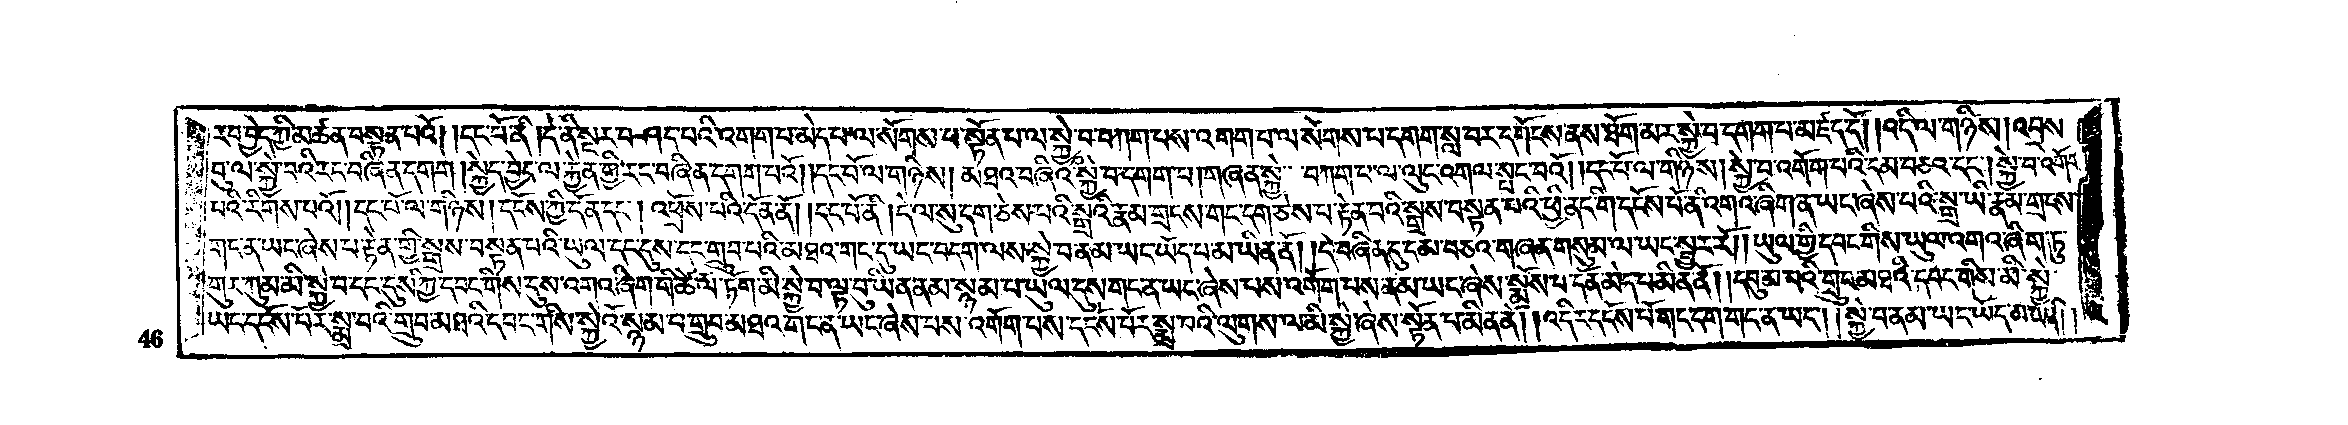རབ་བྱེད་ཀྱི་མཚན་བསྟན་པའོ། །དང་པོ་ནི། དེ་ནི་སྔར་བཤད་པའི་འགག་པ་མེད་པ་ལ་སོགས་པ་སྟོན་པ་ལ་སྐྱེ་བ་བཀག་པས་འགག་པ་ལ་སོགས་པ་དགག་སླ་བར་དགོངས་ནས་ཐོག་མར་སྐྱེ་བ་དགག་པ་མཛད་དོ། །འདི་ལ་གཉིས། འབྲས་
བུ་ལ་སྐྱེ་བའི་རང་བཞིན་དགག །སྐྱེད་བྱེད་ལ་རྐྱེན་གྱི་རང་བཞིན་དགག་པའོ། །དང་པོ་ལ་གཉིས། མཐའ་བཞིའི་སྐྱེ་བ་དགག་པ། གཞན་སྐྱེ་བཀག་པ་ལ་ལུང་འགལ་སྤང་བའོ། །དང་པོ་ལ་གཉིས། སྐྱེ་བ་འགོག་པའི་དམ་བཅའ་དང་། སྐྱེ་བ་འགོག་
པའི་རིགས་པའོ། །དང་པོ་ལ་གཉིས། དངོས་ཀྱི་དོན་དང་། འཕྲོས་པའི་དོན་ནོ། །དང་པོ་ནི། དེ་ལ་སུ་དག་ཅེས་པའི་སྒྲའི་རྣམ་གྲངས་གང་དག་ཅེས་པ་རྟེན་པའི་སྒྲས་བསྟན་པའི་ཕྱི་ནང་གི་དངོས་པོ་ནི་འགའ་ཞིག་ན་ཡང་ཞེས་པའི་སྒྲ་ཡི་རྣམ་གྲངས་
གང་ན་ཡང་ཞེས་པ་རྟེན་གྱི་སྒྲས་བསྟན་པའི་ཡུལ་དང་དུས་དང་གྲུབ་པའི་མཐའ་གང་དུ་ཡང་བདག་ལས་སྐྱེ་བ་ནམ་ཡང་ཡོད་པ་མ་ཡིན་ནོ། །དེ་བཞིན་དུ་དམ་བཅའ་གཞན་གསུམ་ལ་ཡང་སྦྱར་རོ། །ཡུལ་གྱི་དབང་གིས་ཡུལ་འགའ་ཞིག་ཏུ་
གུར་ཀུམ་མི་སྐྱེ་བ་དང་དུས་ཀྱི་དབང་གིས་དུས་འགའ་ཞིག་གི་ཚེ་ལོ་ཏོག་མི་སྐྱེ་བ་ལྟ་བུ་ཡིན་ནམ་སྙམ་པ་ཡུལ་དུས་གང་ན་ཡང་ཞེས་པས་འགོག་པས་ནམ་ཡང་ཞེས་སྨོས་པ་དོན་མེད་པ་མིན་ནོ། །དབུ་མ་པའི་གྲུབ་མཐའི་དབང་གིས་མི་སྐྱེ་
ཡང་དངོས་པོར་སྨྲ་བའི་གྲུབ་མཐའི་དབང་གིས་སྐྱེའོ་སྙམ་པ་གྲུབ་མཐའ་གང་ན་ཡང་ཞེས་པས་འགོག་པས་དངོས་པོར་སྨྲ་བའི་ལུགས་ལ་མི་སྐྱེ་ཞེས་སྟོན་པ་མིན་ནོ། །འདིར་དངོས་པོ་གང་དག་གང་ན་ཡང་། །སྐྱེ་བ་ནམ་ཡང་ཡོད་མ་ཡིན། །